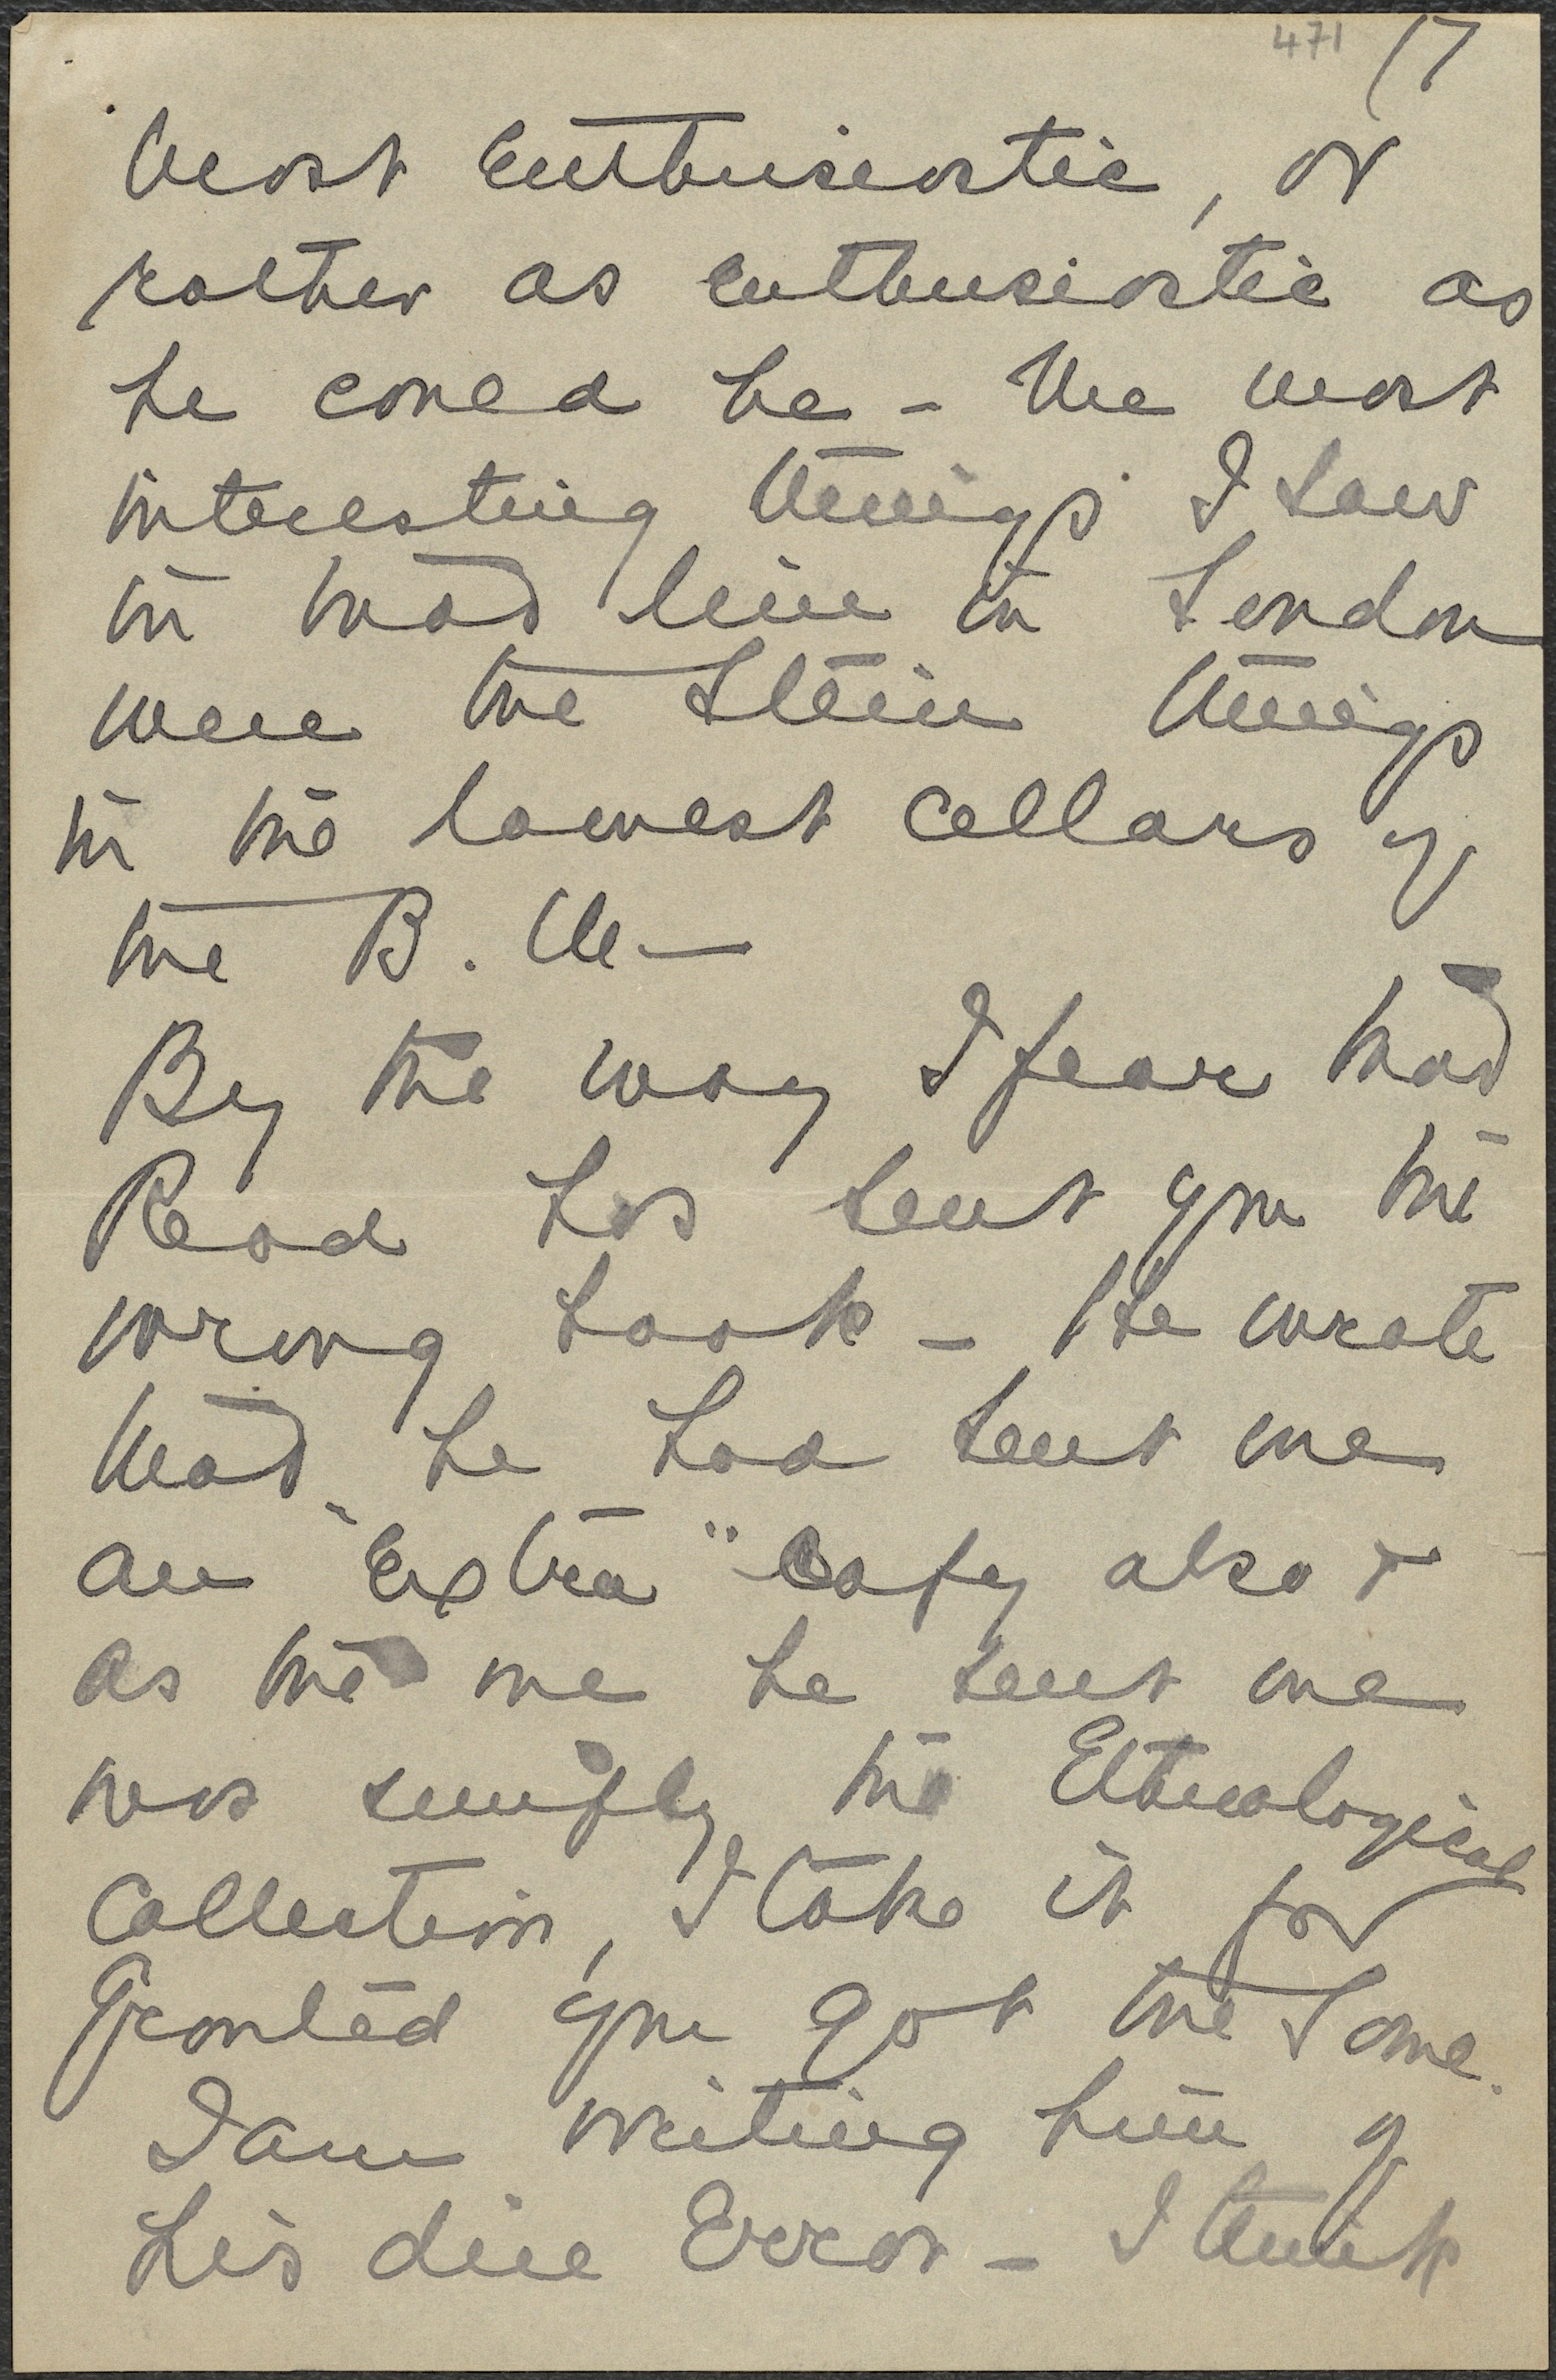most enthusiastic, or rather as enthusiastic as he could be – the most interesting things I saw in that line in London were the Stein things in the lowest cellars of the B. M –
By the way I fear that Read has sent you the wrong book – He wrote that he had sent me an “extra” copy also & as the one he sent me was simply the Ethnological collection, I take it for granted you got the same. I am writing him his dire error – I think